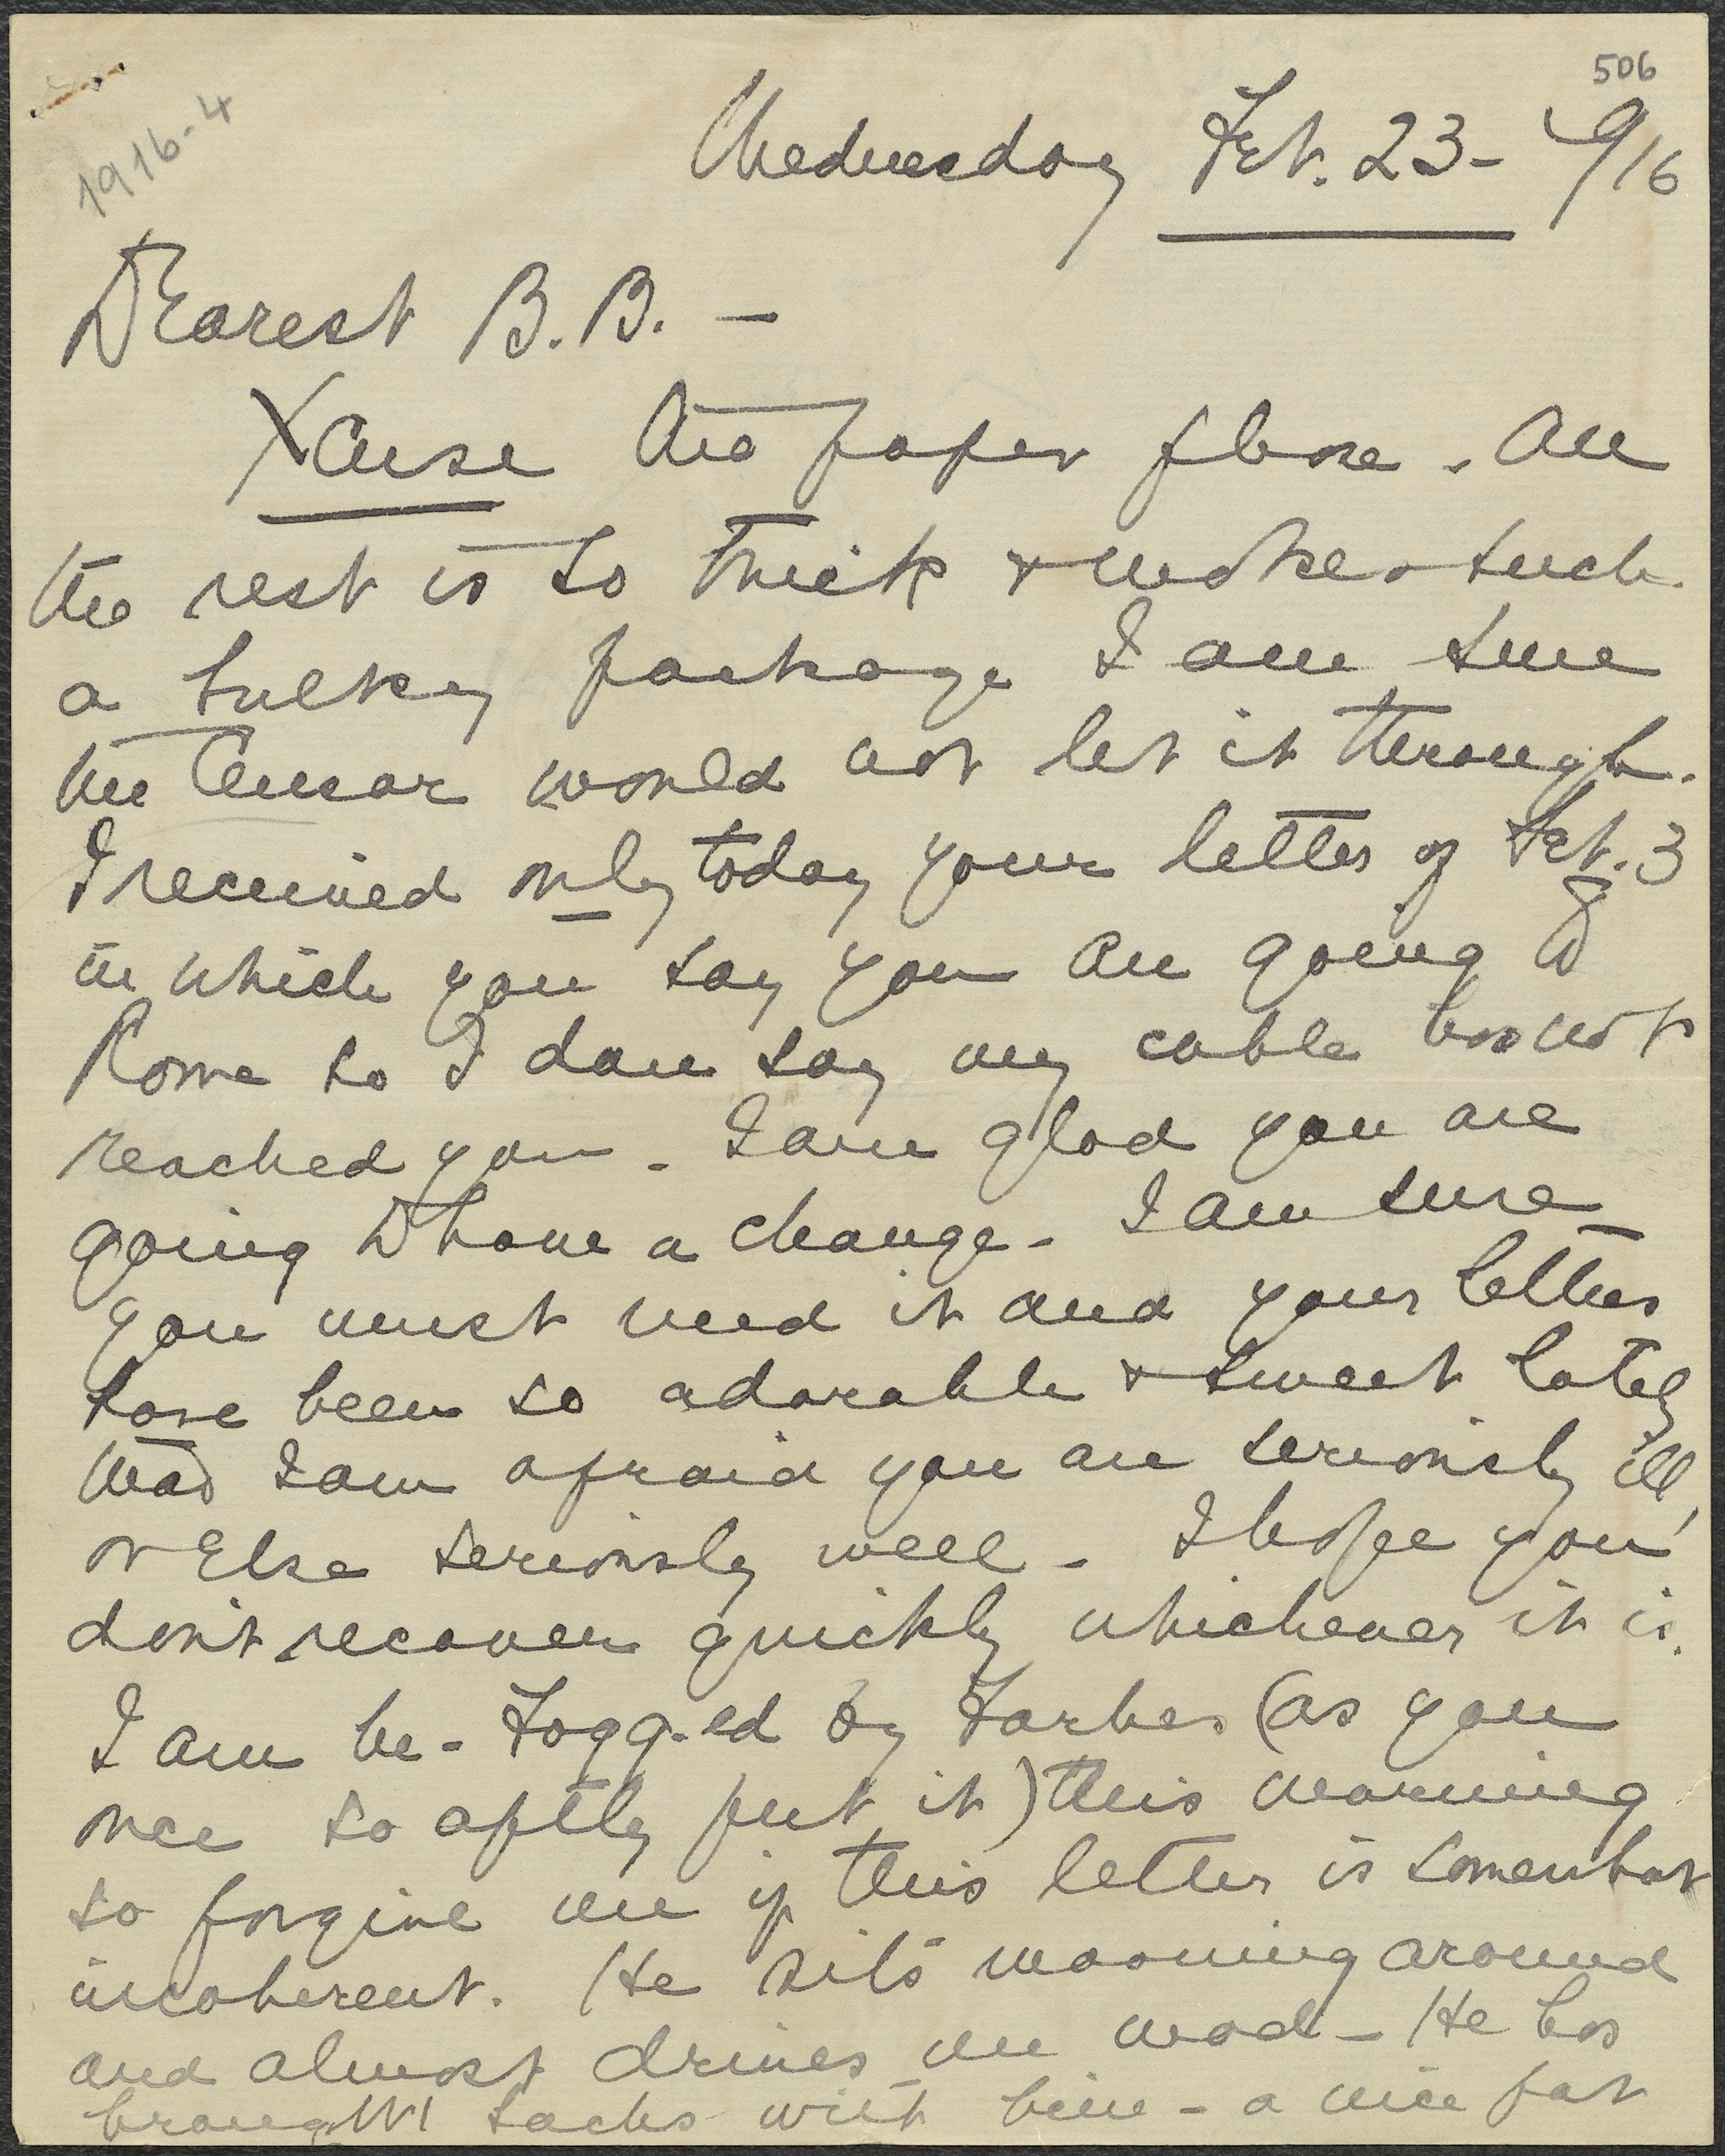Wednesday Feb. 23 – 1916
Dearest B.B. –
Xcuse the paper please. All the rest is so thick & makes such a bulky package I am sure the Censor would not let it through. I received only today your letter of Feb. 3 in which you say you are going to Rome so I dare say my cable has not reached you. I am glad you are going to have a change – I am sure you must need it and your letters have been so adorable & sweet lately that I am afraid you are seriously ill, or else seriously well – I hope you don't recover quickly whichever it is.
I am be-Fogged by Forbes (as you once so aptly put it) this morning so forgive me if this letter is somewhat incoherent. He sits mooning around and almost drives me mad – He has brought Sachs with him – a nice fat